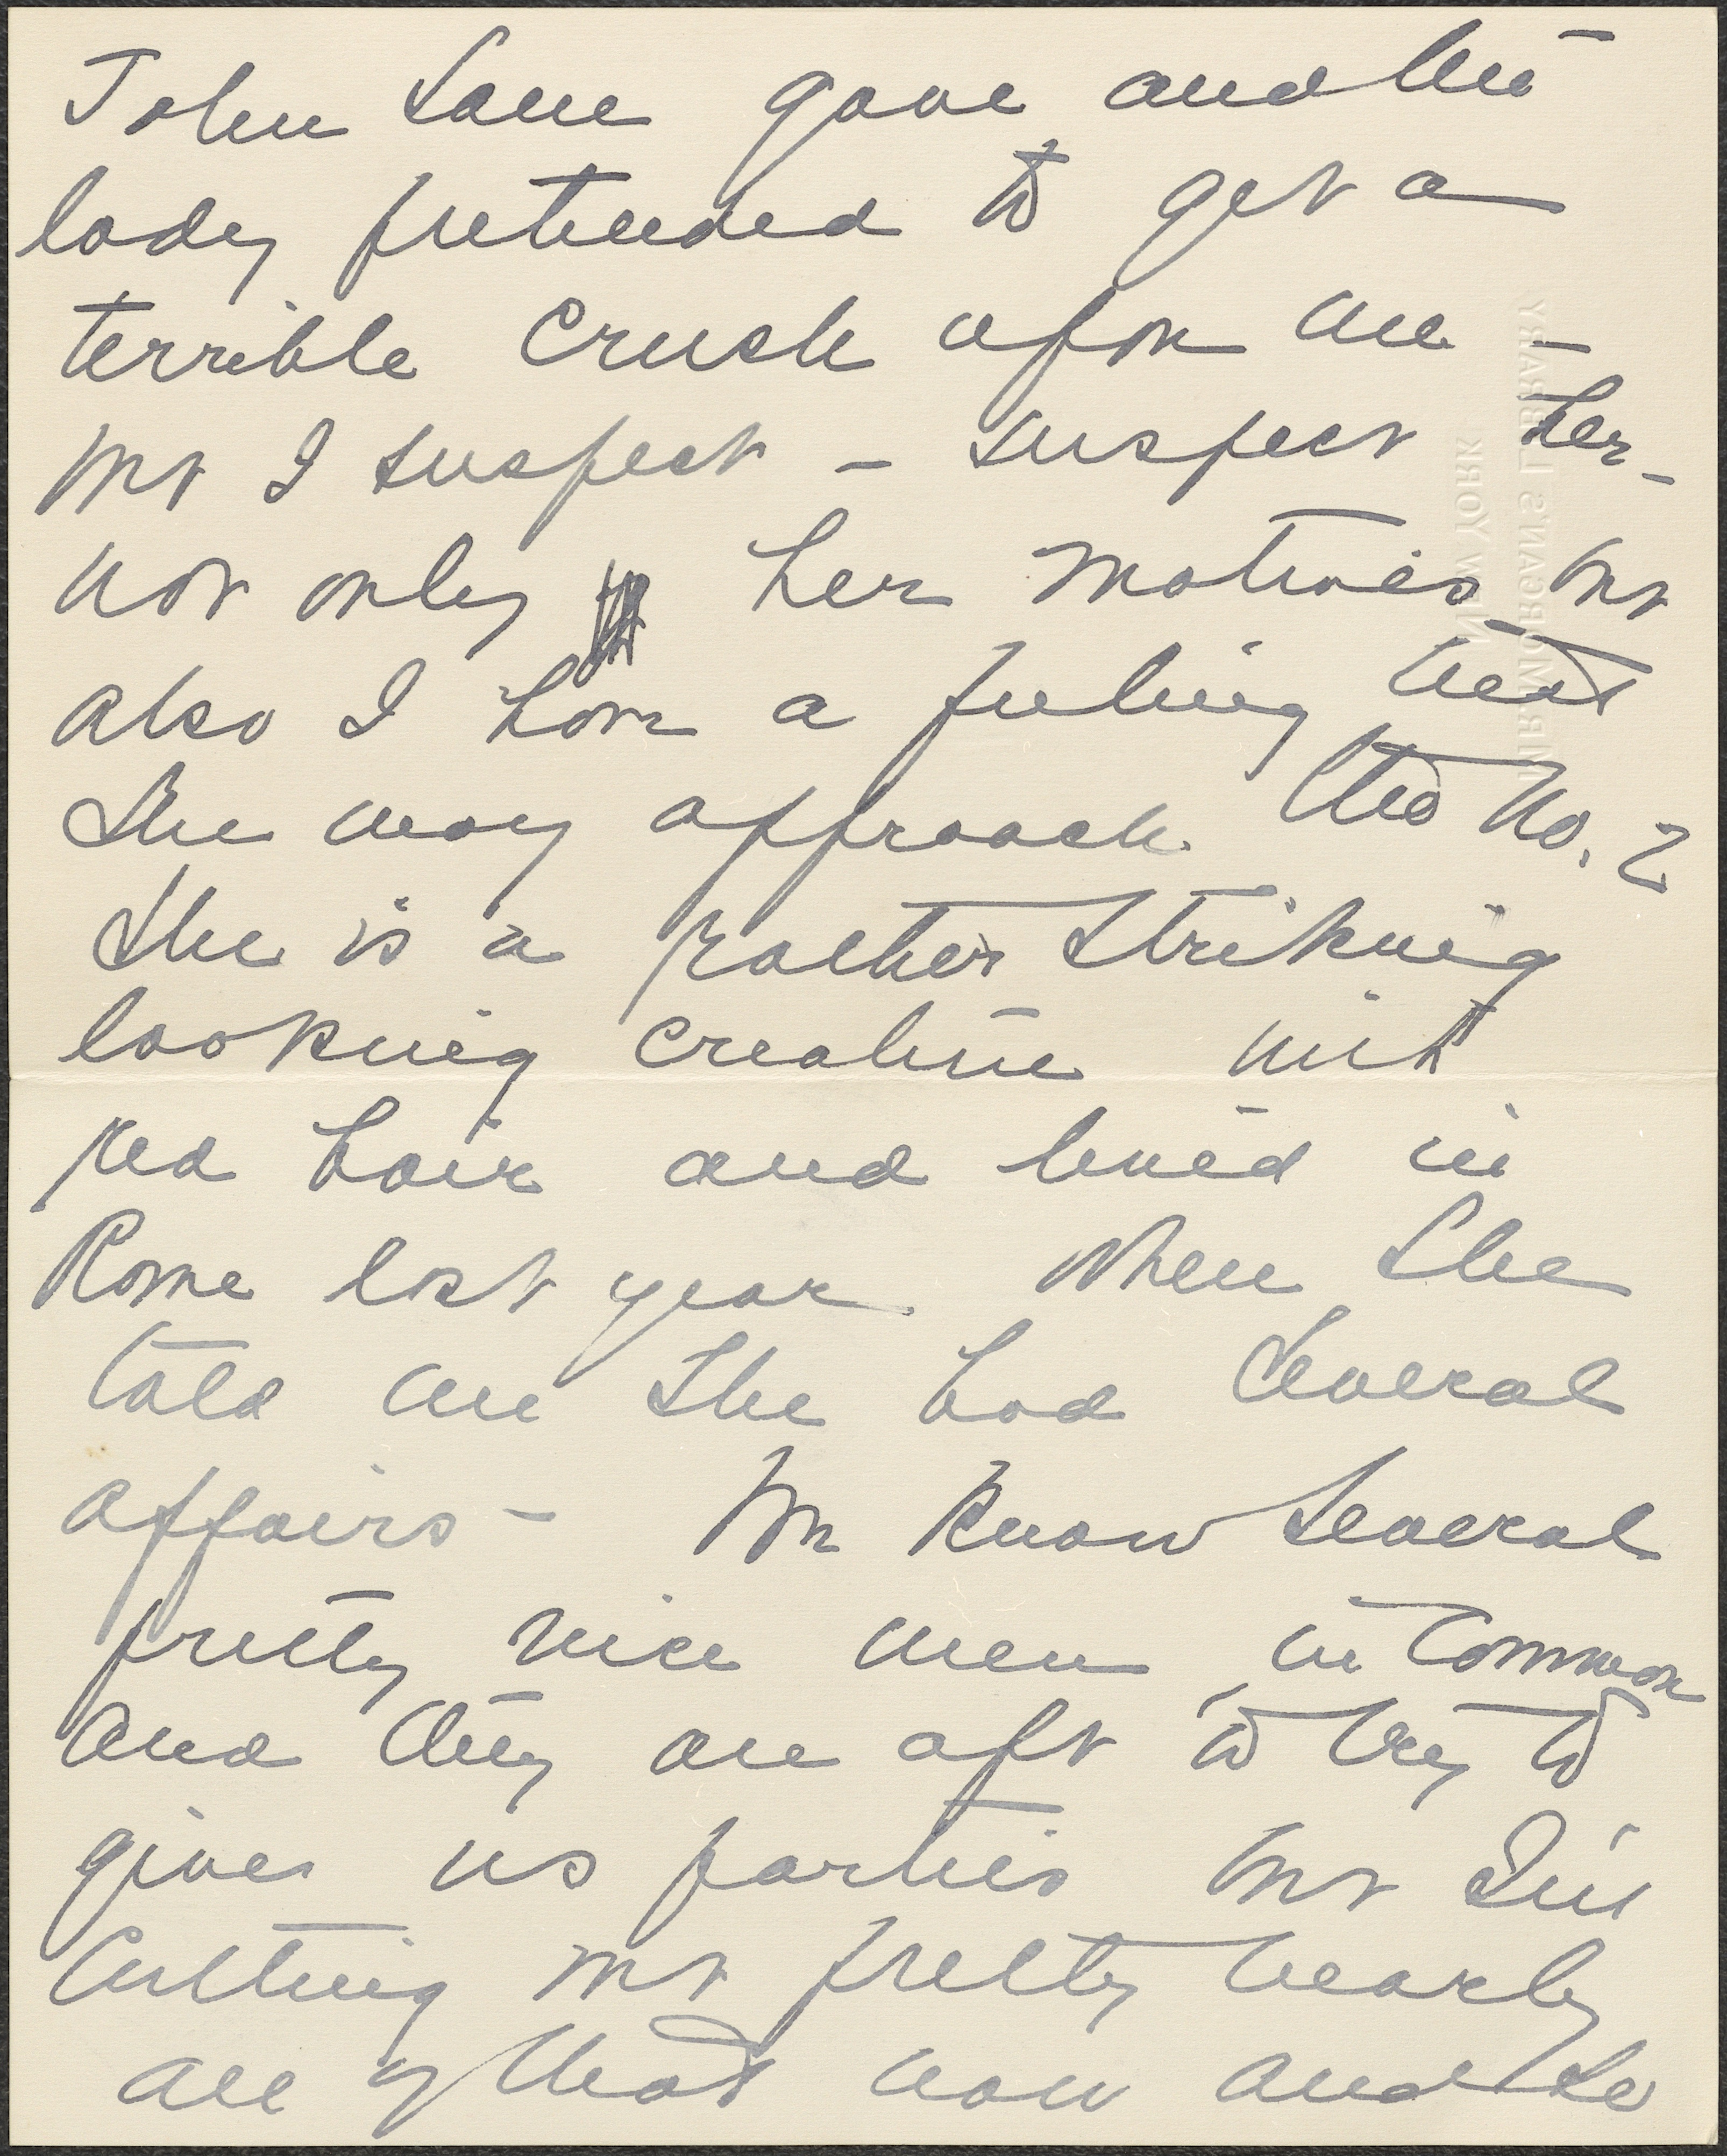John Lane gave and the lady pretended to get a terrible crush upon me – but I suspect – suspect her – not only of her motives but also I have a feeling that she may approach the No. 2
She is a rather striking looking creature with red hair and lived in Rome last year when she told me she had several affairs – We know several pretty nice men in common and they are apt to try to give us parties but I’m cutting out pretty nearly all of that now and so